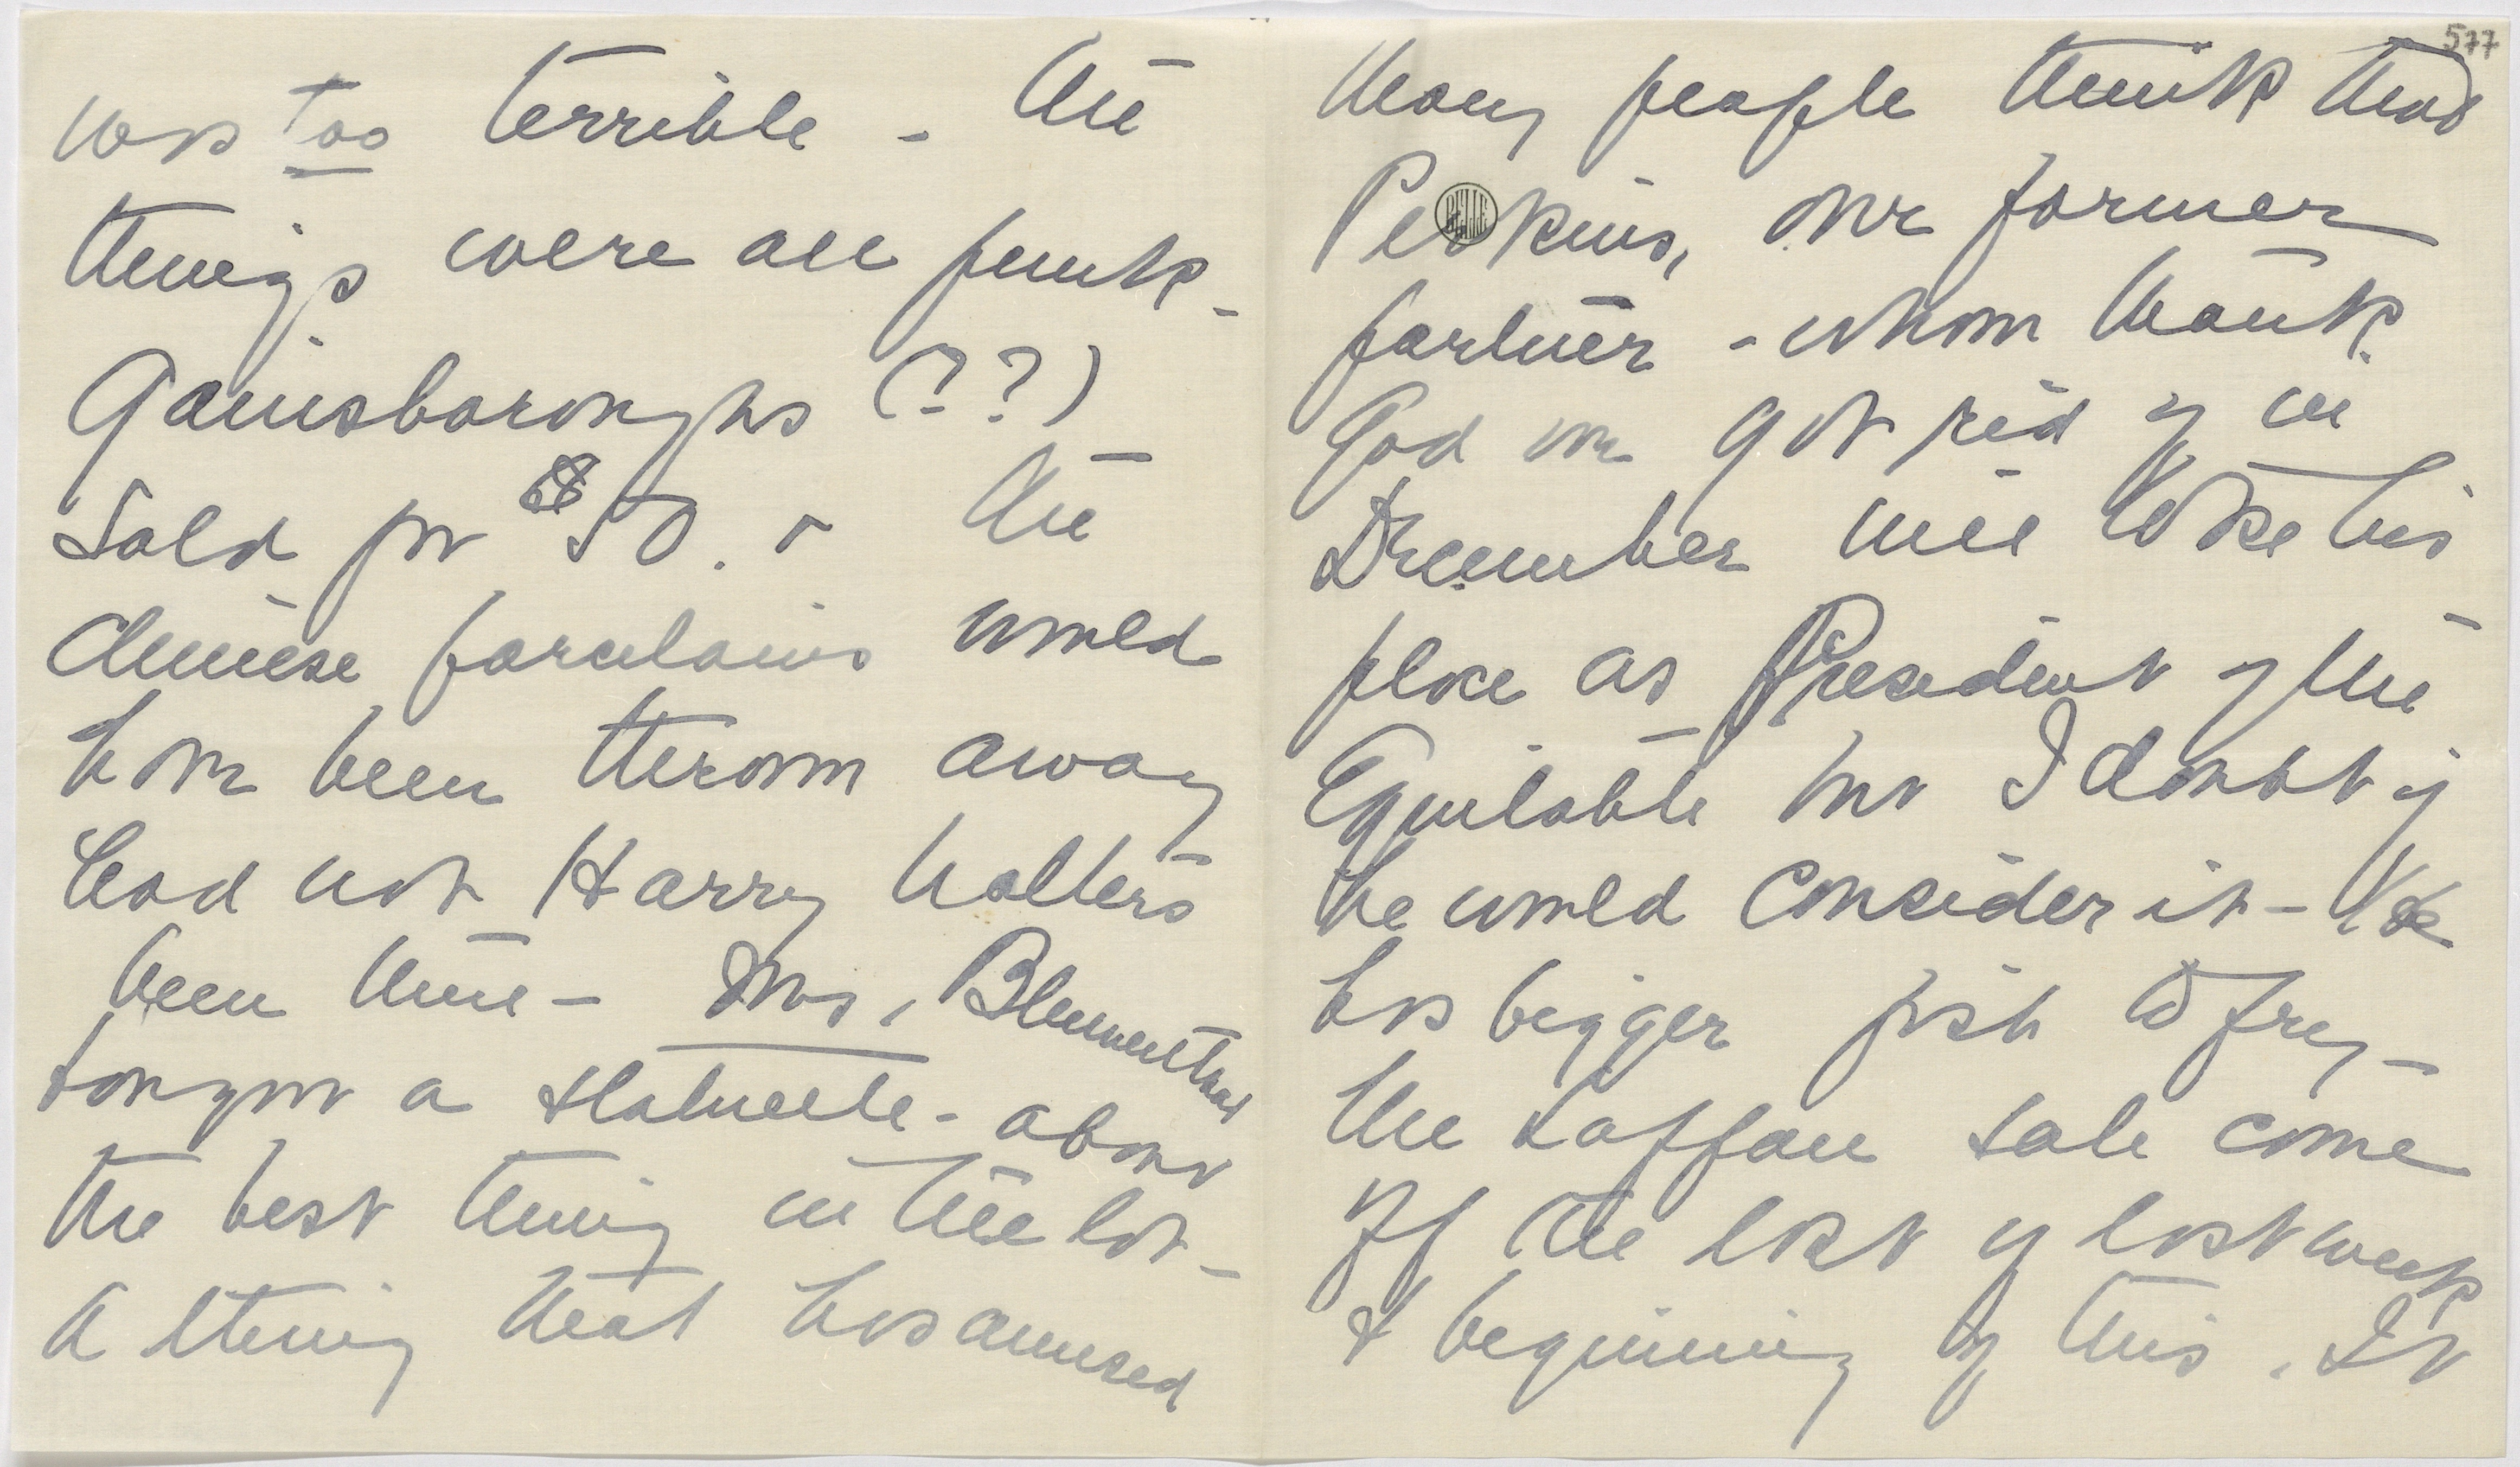Many people think that Perkins, our former partner – whom thank God we got rid of in December will take his place as President of the Equitable but I doubt he would consider it – He has bigger fish to fry – The Laffan sale came off the last of last week & beginning of this. It
was too terrible – The things were all punk Gainsboroughs (??) sold for $50. & the Chinese porcelains would have been thrown away had not Harry Walters been there – Mrs. Blumenthal bought a statuette – about the best thing in the lot – a thing that has amused